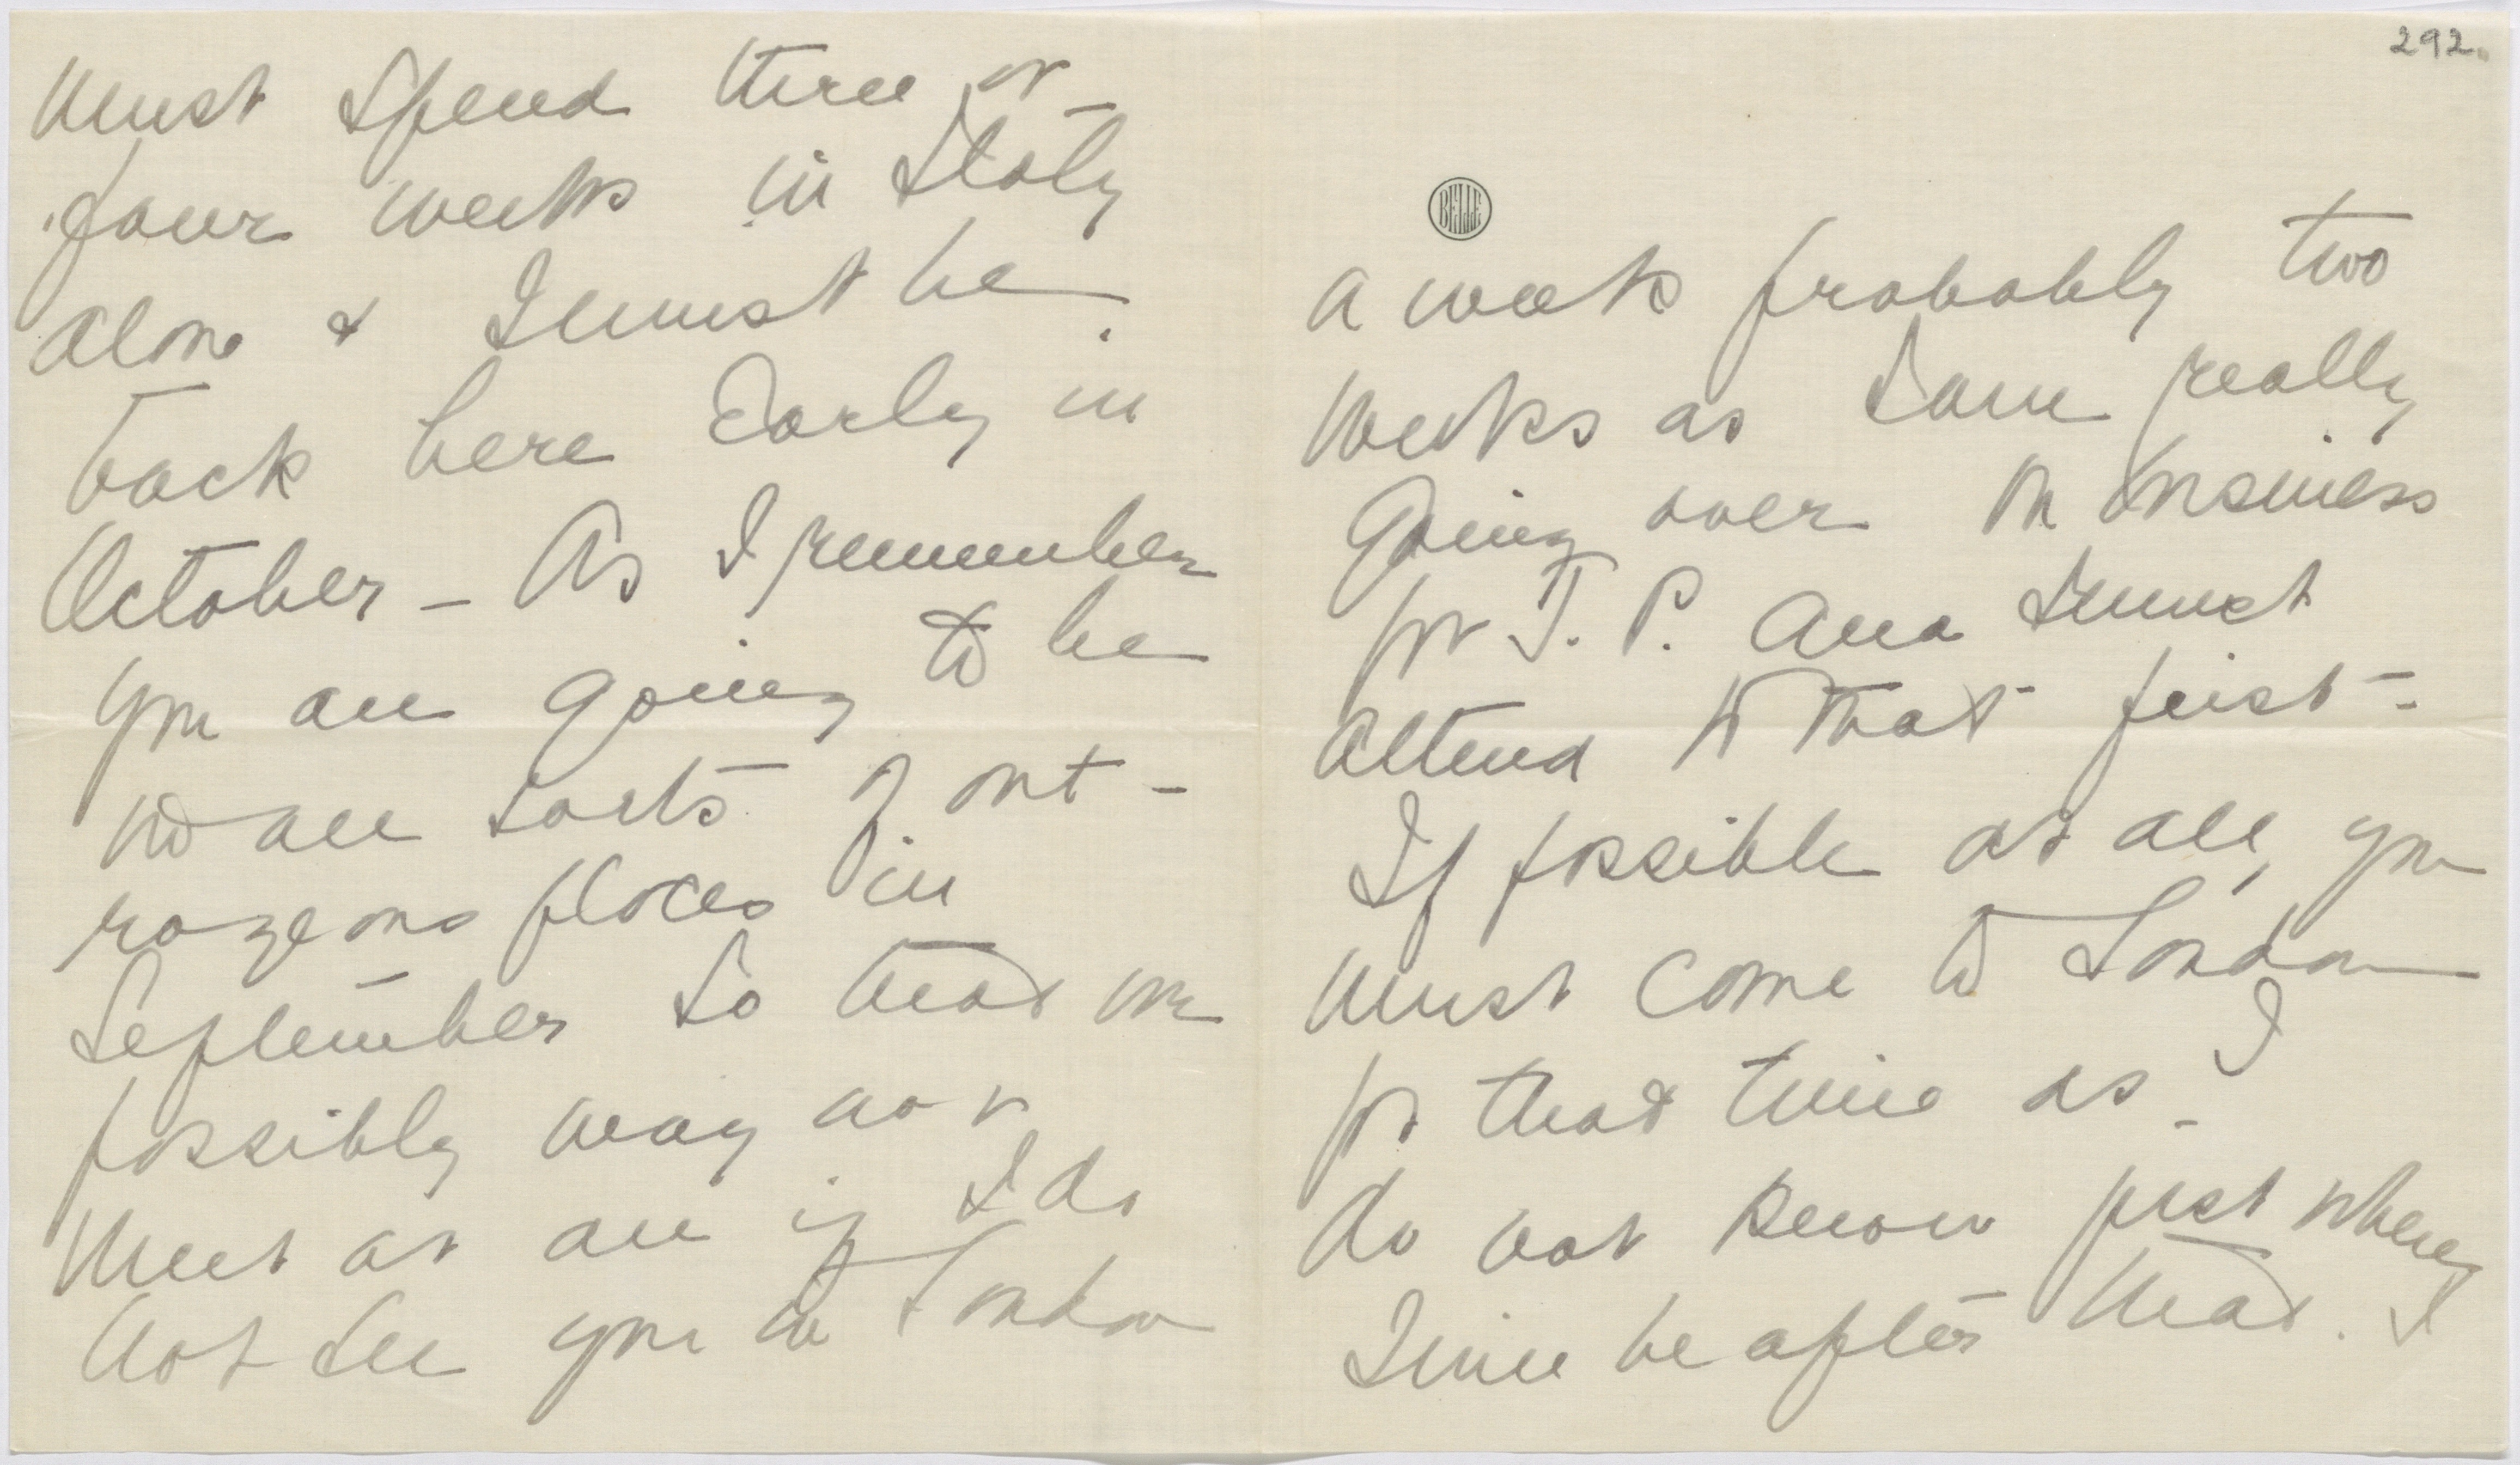a week probably two weeks as I am really going over on business for J. P. and I must attend to that first – If possible at all, you must come to London for that time as I do not know just where I will be after that. I
must spend three or four weeks in Italy alone & I must be back here early in October – As I remember you are going to be to all sorts of outrageous places in September so that we possibly may not meet at all if I do not see you in London